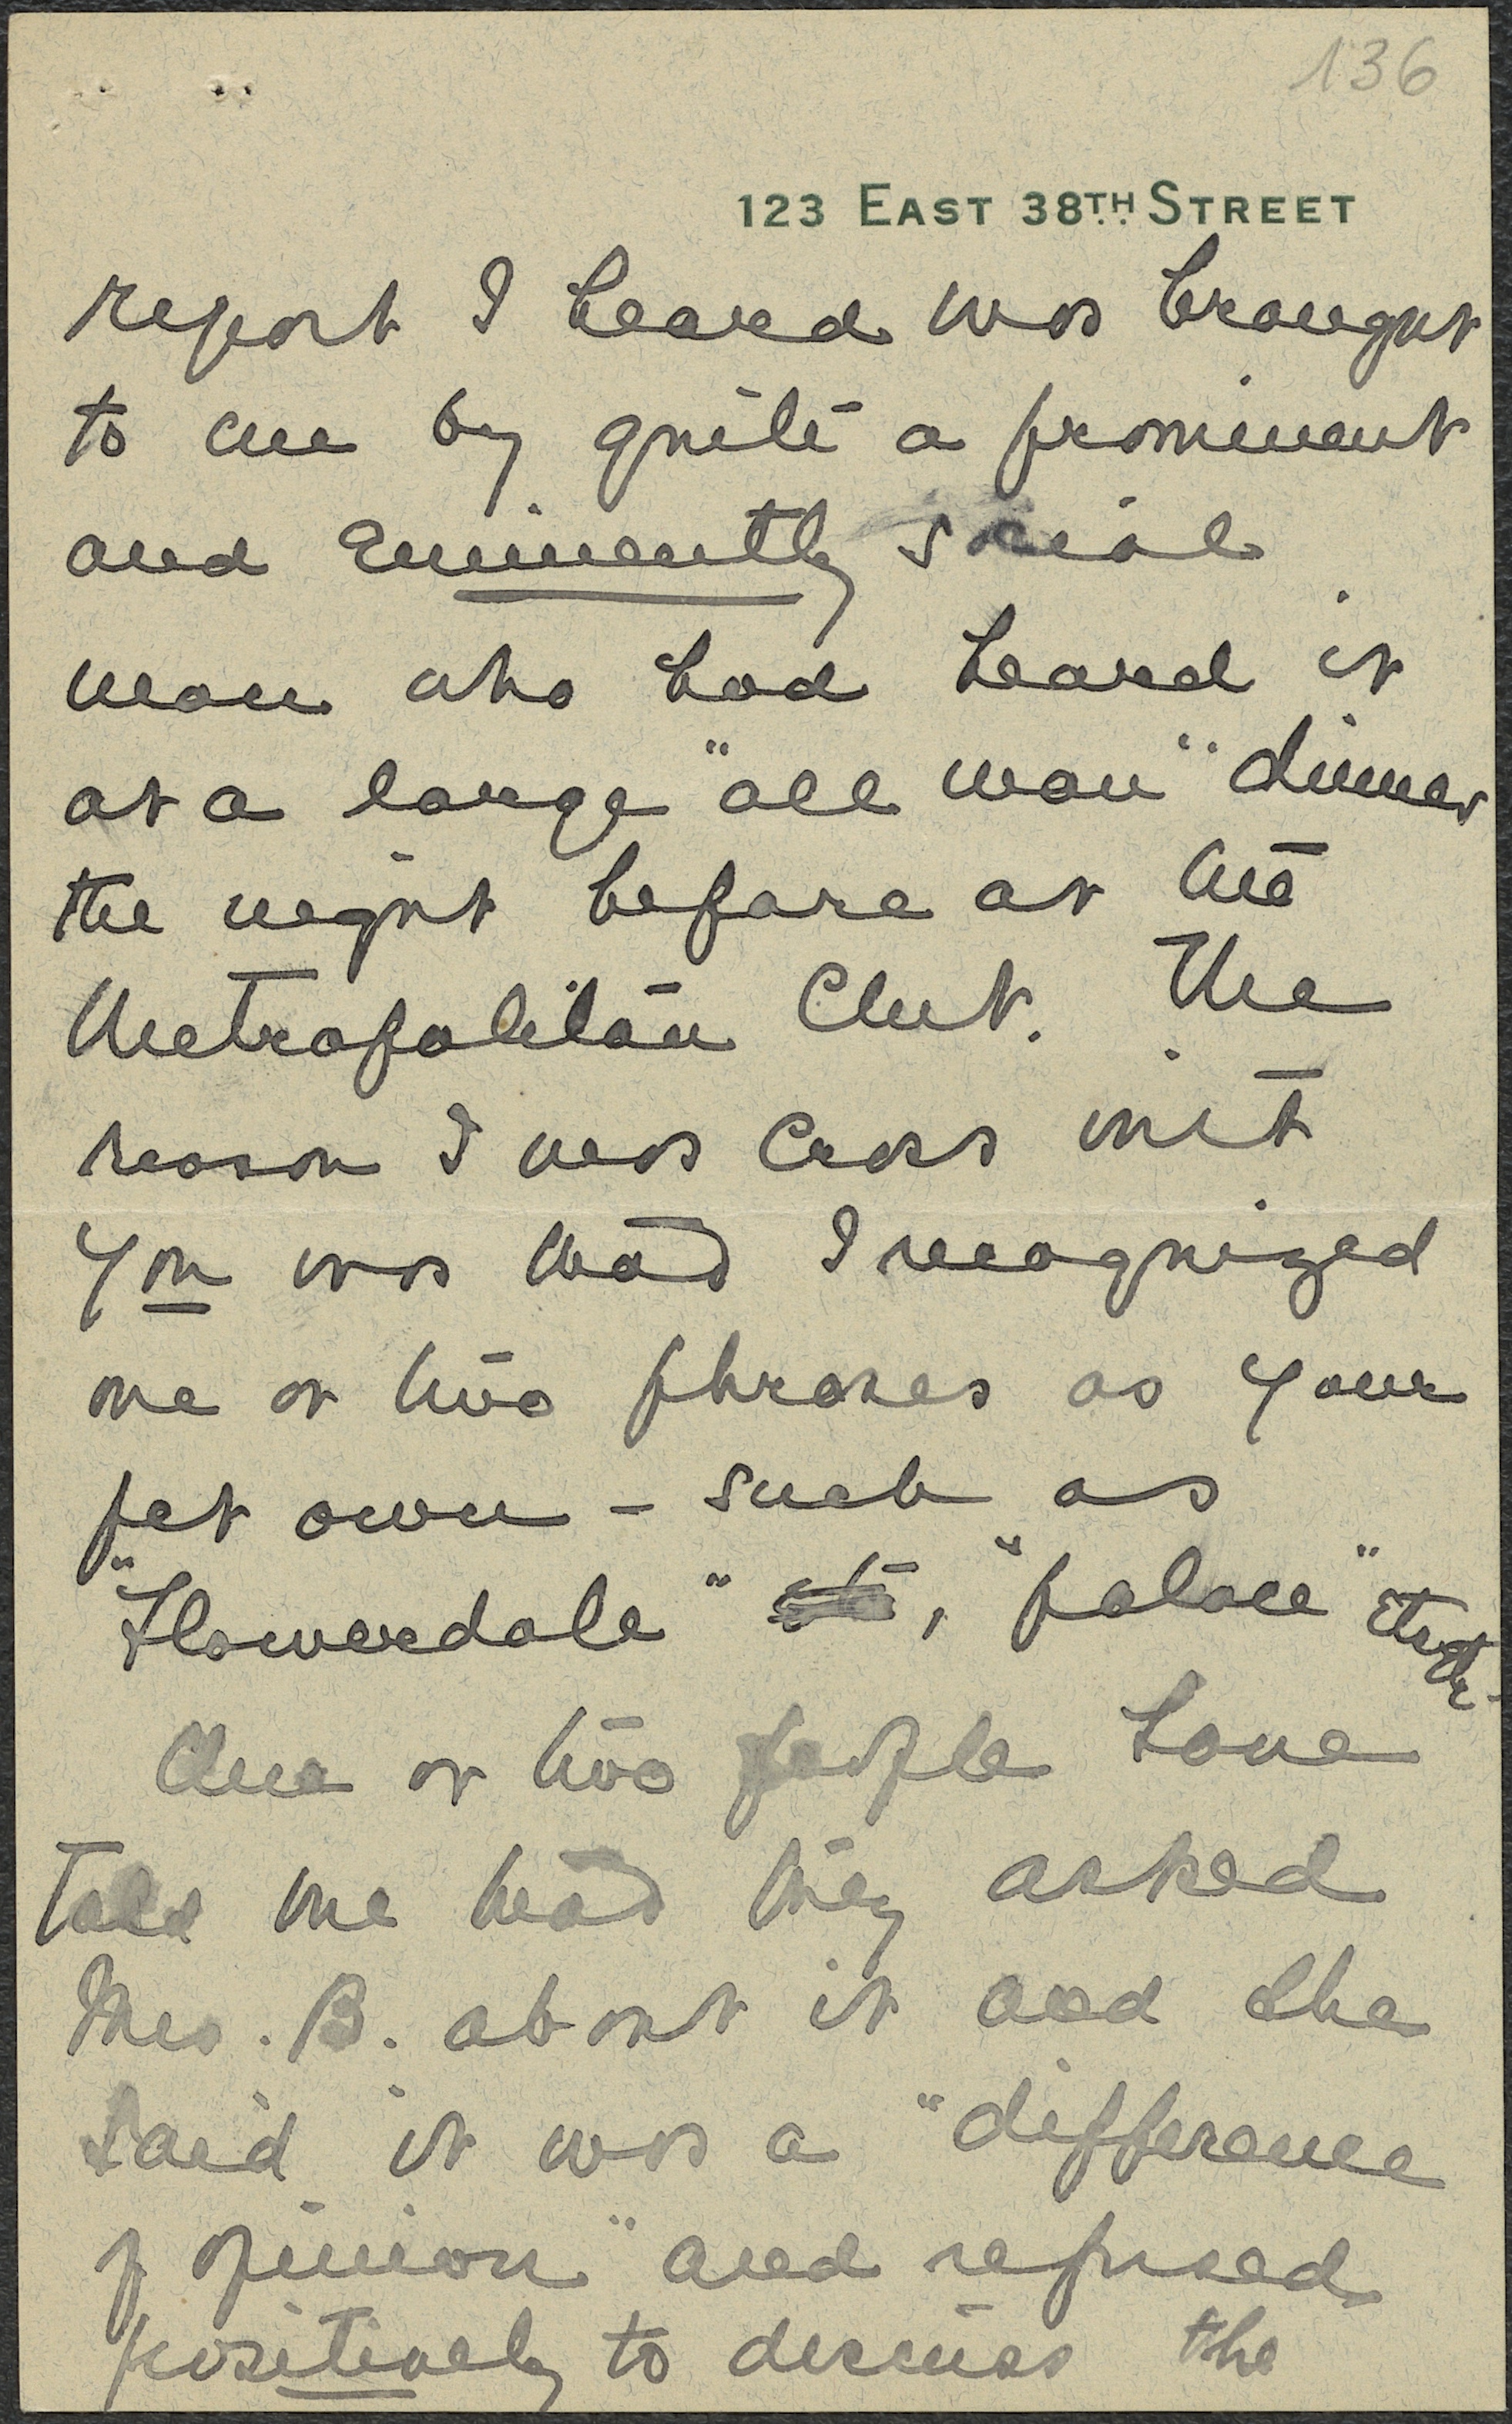report I heard was brought to me by quite a prominent and eminently social man who had heard it at a large "all man" dinner the night before at the Metropolitan Club. The reason I was cross with you was that I recognized one or two phrases as your pet own – such as "Flowerdale" etc. "palace" etc etc.
One or two people have told me that they asked Mrs. B. about it and she said it was a "difference of opinion" and refused positively to discuss the